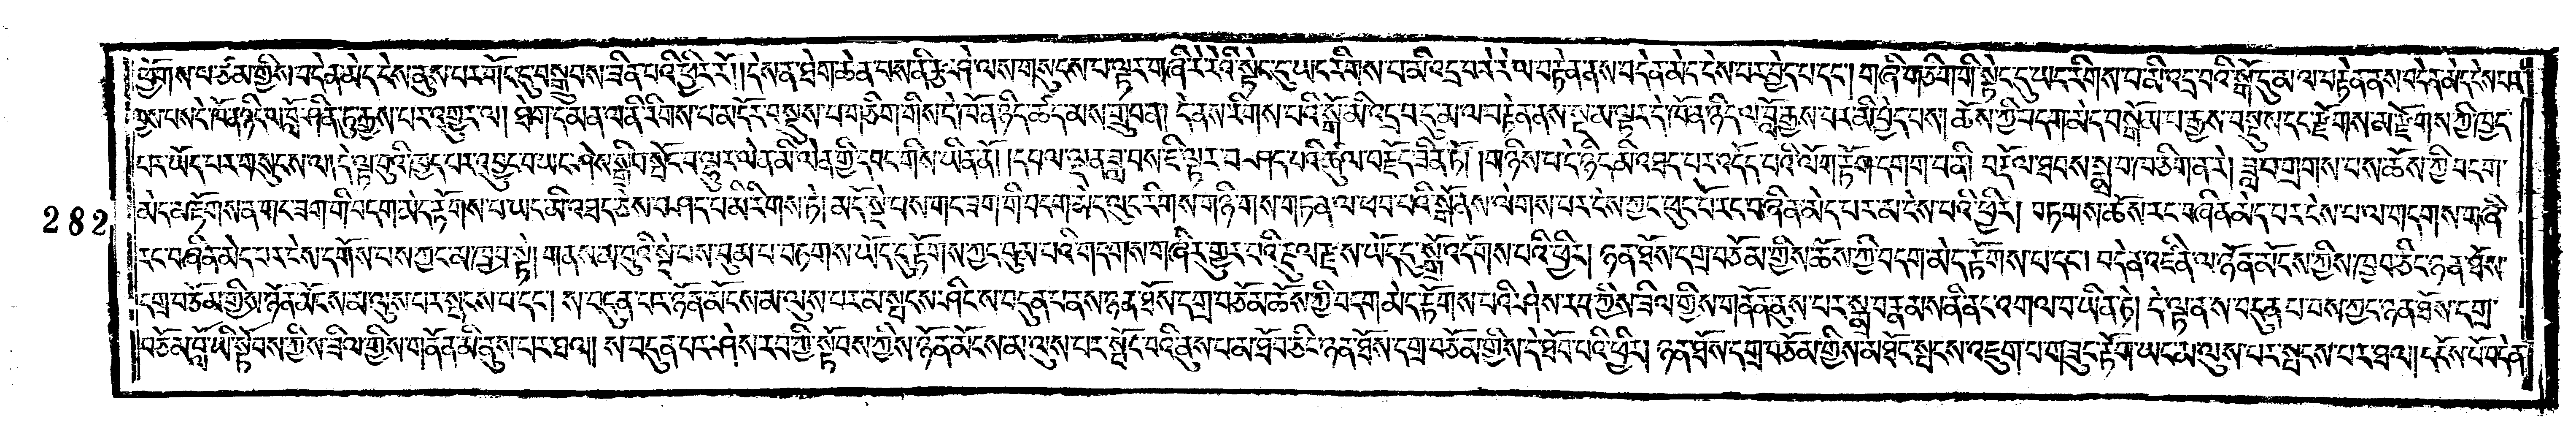ཕྱོགས་པ་ཙམ་གྱིས་བདེན་མེད་ངེས་ནུས་པར་གོང་དུ་བསྒྲུབས་ཟིན་པའི་ཕྱིར་རོ། །དེས་ན་ཐེག་ཆེན་པས་ནི་རྩ་ཤེ་ལས་གསུངས་པ་ལྟར་གཞི་རེ་རེའི་སྟེང་དུ་ཡང་རིགས་པ་མི་འདྲ་བ་རེ་རེ་ལ་བརྟེན་ནས་བདེན་མེད་ངེས་པར་བྱེད་པ་དང་། གཞི་གཅིག་གི་སྟེང་དུ་ཡང་རིགས་པ་མི་འདྲ་བའི་སྒོ་དུ་མ་ལ་བརྟེན་ནས་བདེན་མེད་ངེས་པར་
བྱས་པས་དེ་ཁོ་ན་ཉིད་ལ་བློ་ཤིན་ཏུ་རྒྱས་པར་འགྱུར་ལ། ཐེག་དམན་ལ་ནི་རིགས་པ་མདོར་བསྡུས་པ་གཅིག་གིས་དེ་ཁོ་ན་ཉིད་ཚད་མས་གྲུབ་ན། དེ་ནས་རིགས་པའི་སྒོ་མི་འདྲ་བ་དུ་མ་ལ་བརྟེན་ནས་སྔ་མ་ལྟར་དེ་ཁོ་ན་ཉིད་ལ་བློ་རྒྱས་པར་མི་བྱེད་པས། ཆོས་ཀྱི་བདག་མེད་བསྒོམ་པ་རྒྱས་བསྡུས་དང་རྫོགས་མ་རྫོགས་ཀྱི་ཁྱད་
པར་ཡོད་པར་གསུངས་ལ། དེ་ལྟ་བུའི་ཁྱད་པར་འབྱུང་བ་ཡང་ཤེས་སྒྲིབ་སྤོང་བ་ལྷུར་ལེན་མི་ལེན་གྱི་དབང་གིས་ཡིན་ནོ། །དཔལ་ལྡན་ཟླ་བས་ཇི་ལྟར་བཤད་པའི་ཚུལ་བརྗོད་ཟིན་ཏོ། །གཉིས་པ་དེ་ཉིད་མི་འཐད་པར་འདོད་པའི་ལོག་རྟོག་དགག་པ་ནི། བརྡོལ་ཐབས་སྨྲ་བ་ཁ་ཅིག་ན་རེ། ཟླ་བ་གྲགས་པས་ཆོས་ཀྱི་བདག་
མེད་མ་རྟོགས་ན་གས་?་ཟག་གི་བདག་མེད་རྟོགས་པ་ཡང་མི་འཐད་ཅེས་བཤད་པ་མི་རིགས་ཏེ། མདོ་སྡེ་པས་གང་ཟག་གི་བདག་མེད་ལུང་རིགས་གཉི་གས་གཏན་ལ་ཕབ་པའི་སྒོ་ནས་ལེགས་པར་ངེས་ཀྱང་ཕུང་པོ་རང་བཞིན་མེད་པར་མ་ངེས་པའི་ཕྱིར། བཏགས་ཆོས་རང་བཞིན་མེད་པར་ངེས་པ་ལ་གདགས་གཞི་
རང་བཞིན་མེད་པར་ངེས་དགོས་པས་ཀྱང་མ་ཁྱབ་སྟེ། གནས་མ་བུའི་སྡེ་པས་བུམ་པ་བཏགས་ཡོད་དུ་རྟོགས་ཀྱང་བུམ་པའི་གདགས་གཞིར་གྱུར་པའི་རྡུལ་རྫས་ཡོད་དུ་སྒྲོ་འདོགས་པའི་ཕྱིར། ཉན་ཐོས་དགྲ་བཅོམ་གྱིས་ཆོས་ཀྱི་བདག་མེད་རྟོགས་པ་དང་། བདེན་འཛིན་ལ་ཉོན་མོངས་ཀྱིས་ཁྱབ་ཅིང་ཉན་ཐོས་
དགྲ་བཅོམ་གྱིས་ཉོན་མོངས་མ་ལུས་པར་སྤངས་པ་དང་། ས་བདུན་པར་ཉོན་མོངས་མ་ལུས་པར་མ་སྤངས་ཤིང་ས་བདུན་པ་ནས་ཉན་ཐོས་དགྲ་བཅོམ་ཆོས་ཀྱི་བདག་མེད་རྟོགས་པའི་ཤེས་རབ་ཀྱིས་ཟིལ་གྱིས་གནོན་ནུས་པར་སྨྲ་བ་རྣམས་ནི་ནང་འགལ་བ་ཡིན་ཏེ། དེ་ལྟ་ནས་བདུན་པ་པས་ཀྱང་ཉན་ཐོས་དགྲ་
བཅོམ་བློ་ཡི་སྟོབས་ཀྱིས་ཟིལ་གྱིས་གནོན་མི་ནུས་པར་ཐལ། ས་བདུན་པར་ཤེས་རབ་ཀྱི་སྟོབས་ཀྱིས་ཉོན་མོངས་མ་ལུས་པར་སྤོང་བའི་ནུས་པ་མ་ཐོབ་ཅིང་ཉན་ཐོས་དགྲ་བཅོམ་གྱིས་དེ་ཐོབ་པའི་ཕྱིར། ཉན་ཐོས་དགྲ་བཅོམ་གྱིས་མཐོང་སྤངས་འཇུག་པ་གཟུང་རྟོག་ཡང་མ་ལུས་པར་སྤངས་པར་ཐལ། དངོས་པོ་བདེན་